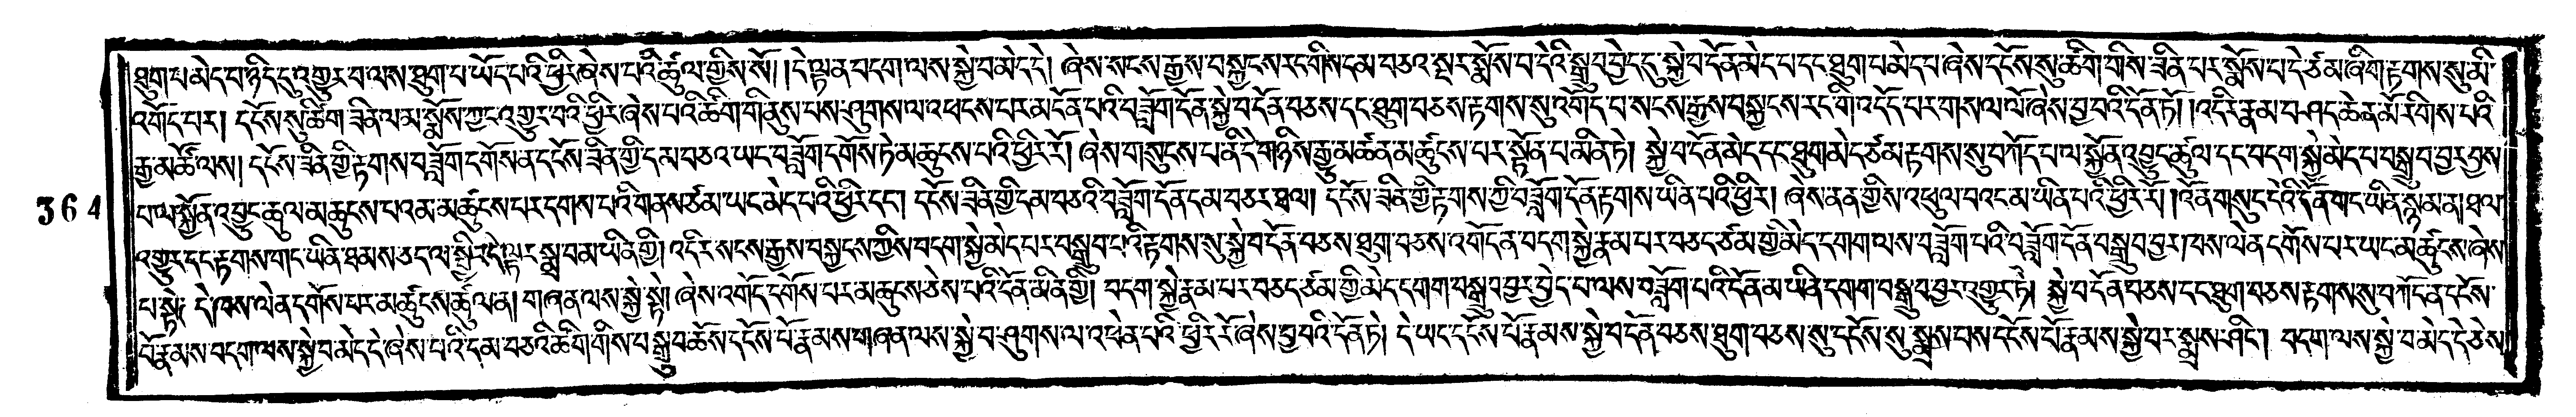ཐུག་པ་མེད་པ་ཉིད་དུ་འགྱུར་བ་ལས་ཐུག་པ་ཡོད་པའི་ཕྱིར་ཞེས་པའི་ཚུལ་གྱིས་སོ། །དེ་ལྟ་ན་བདག་ལས་སྐྱེ་བ་མེད་དེ། ཞེས་སངས་རྒྱས་བསྐྱངས་རང་གིས་དམ་བཅའ་སྔར་སྨོས་པ་དེའི་སྒྲུབ་བྱེད་དུ་སྐྱེ་བ་དོན་མེད་པ་དང་ཐུག་པ་མེད་པ་ཞེས་དངོས་སུ་ཚིག་གིས་ཟིན་པར་སྨོས་པ་དེ་ཙམ་ཞིག་རྟགས་སུ་མི་
འགོད་བར། དངོས་སུ་ཚིག་ཟིན་ལ་མ་སྨོས་ཀྱང་འགྱུར་བའི་ཕྱིར་ཞེས་པའི་ཚིག་གི་ནུས་པས་ཤུགས་ལ་འཕངས་པར་མངོན་པའི་བཟློག་དོན་སྐྱེ་བ་དོན་བཅས་དང་ཐུག་བཅས་རྟགས་སུ་འགོད་པ་སངས་རྒྱས་བསྐྱངས་རང་གི་འདོད་པར་གསལ་ལོ་ཞེས་བྱ་བའི་དོན་ཏོ། །འདིར་རྣམ་བཤད་ཆེན་མོ་རིགས་པའི་
རྒྱ་མཚོ་ལས། དངོས་ཟིན་གྱི་རྟགས་བཟློག་དགོས་ན་དངོས་ཟིན་གྱི་དམ་བཅའ་ཡང་བཟློག་དགོས་ཏེ་མཆུངས་པའི་ཕྱིར་རོ། ཞེས་གསུངས་པ་ནི་དེ་གཉིས་རྒྱུ་མཚན་མཚུངས་པར་སྟོན་པ་མིན་ཏེ། སྐྱེ་བ་དོན་མེད་དང་ཐུག་མེད་ཙམ་རྟགས་སུ་བཀོད་པ་ལ་སྐྱོན་འབྱུང་ཚུལ་དང་བདག་སྐྱེ་མེད་པ་བསྒྲུབ་བྱར་བྱས་
བ་ལ་སྐྱོན་འབྱུང་ཆུལ་མཆུངས་པའམ་མཚུངས་པར་དགས་པའི་གནས་ཙམ་ཡང་མེད་པའི་ཕྱིར་དང་། དངོས་ཟིན་གྱི་དམ་བཅའི་བཟློག་དོན་དམ་བཅར་ཐལ། དངོས་ཟིན་གྱི་རྟགས་ཀྱི་བཟློག་དོན་རྟགས་ཡིན་པའི་ཕྱིར། ཞེས་ནན་གྱིས་འཕུལ་བའང་མ་ཡིན་པའི་ཕྱིར་རོ། །འོ་ན་གསུང་དེའི་དོན་གང་ཡིན་སྙམ་མཐལ་
འགྱུར་དང་རྟགས་གང་ཡིན་ཐམས་ཅད་ལ་སྤྱིར་དེ་ལྟར་སྨྲ་བ་མ་ཡིན་གྱི། འདིར་སངས་རྒྱས་བསྐྱངས་ཀྱིས་བདག་སྐྱེ་མེད་པར་བསྒྲུབ་པའི་རྟགས་སུ་སྐྱེ་བ་དོན་བཅས་ཐུག་བཅས་འགོད་ན་བདག་སྐྱེ་རྣམ་པར་བཅད་ཙམ་གྱི་མེད་དགག་ལས་བཟློག་པའི་བཟློག་དོན་བསྒྲུབ་བྱར་ཁས་ལེན་དགོས་པར་ཡང་མཚུངས་ཞེས་
པ་སྟེ༑ དེ་ཁས་ལེན་དགོས་པར་མཚུངས་ཚུལ་ན། གཞན་ལས་སྐྱེ་སྟེ། ཞེས་འགོད་དགོས་པར་མཆུངས་ཅེས་པའི་དོན་མིན་གྱི། བདག་སྐྱེ་རྣམ་པར་བཅད་ཙམ་གྱི་མེད་དགག་བསྒྲུབ་བྱར་བྱེད་པ་ལས་བཟློག་པའི་དོན་མ་ཡིན་དགག་བསྒྲུབ་བྱར་འགྱུར་ཏེ། སྐྱེ་བ་དོན་བཅས་དང་ཐུག་བཅས་རྟགས་སུ་བཀོད་ན་དངོས་
བོ་རྣམས་བདག་ལས་སྐྱེ་བ་མེད་དེ་ཞེས་པའི་དམ་བཅའི་ཚིག་གིས་བསྒྲུབ་ཆོས་དངོས་པོ་རྣམས་གཞན་ལས་སྐྱེ་བ་ཤུགས་ལ་འཕེན་པའི་ཕྱིར་རོ་ཞེས་བྱ་བའི་དོན་ཏེ། དེ་ཡང་དངོས་པོ་རྣམས་སྐྱེ་བ་དོན་བཅས་ཐུག་བཅས་སུ་དངོས་སུ་སྨྲས་པས་དངོས་པོ་རྣམས་སྐྱེ་བར་སྨྲས་ཤིང་། བདག་ལས་སྐྱེ་བ་མེད་དེ་ཅེས་